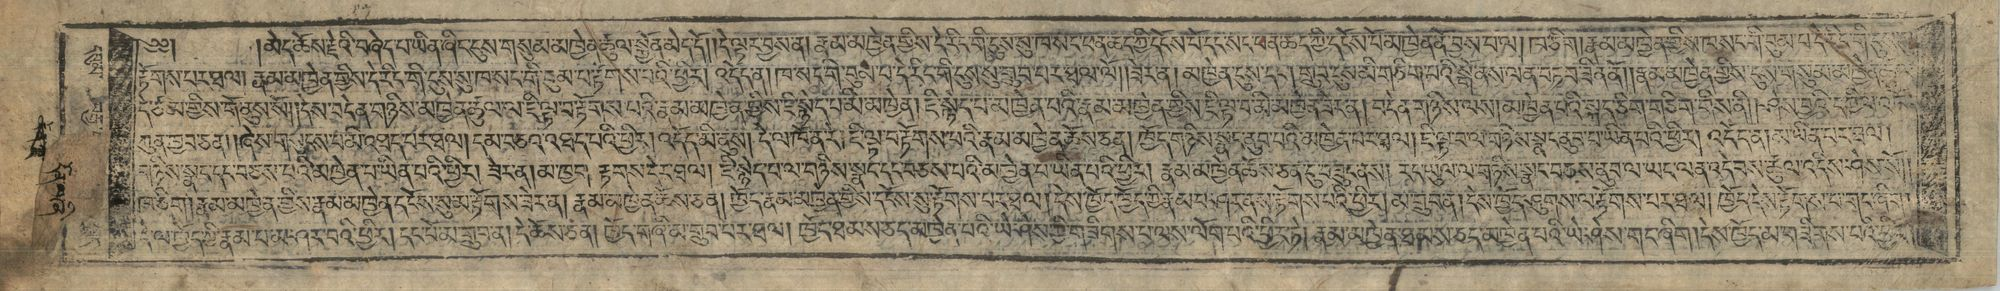༄༅། །མེད་ཆོས་རྗེའི་བཞེད་པ་ཡིན་ཞིང་དུས་གསུམ་མཁྱེན་ཚུལ་སྐྱོན་མེད་དོ། །དེ་ལྟར་བྱས་ན། རྣམ་མཁྱེན་གྱིས་དེ་རིང་གི་དུས་སུ་ཁ་སངྥན་ཆད་ཀྱི་དངོས་པོ་དང་སངྥན་ཆད་ཀྱི་དངོས་པོ་མཁྱེན་ནོ་བྱས་པ་ལ། ཁ་ཅིག །རྣམ་མཁྱེན་གྱིས་ཁ་སངྒི་བུམ་པ་དེ་རིང་གི་དུས་སུ་
རྟོགས་པར་ཐལ། རྣམ་མཁྱེན་གྱིས་དེ་རིང་གི་དུས་སུ་ཁ་སངྒི་བུམ་པ་རྟོགས་པའི་ཕྱིར། འདོད་ན། ཁ་སངྒི་བུམ་པ་དེ་རིང་གི་དུས་སུ་གྲུབ་པར་ཐལ་ལོ། །ཟེར་ན། མཁྱེན་དུས་དང་། གྲུབ་དུས་མི་གཅིག་པའི་སྒོ་ནས་ལན་བཏབ་ཟིན་ནོ། །རྣམ་མཁྱེན་གྱིས་དུས་གསུམ་མཁྱེན་ཚུལ་
དེ་ཙམ་གྱིས་གོ་ནུས་སོ། །དེས་བདེན་གཉིས་མཁྱེན་ཚུལ་ལ་ཇི་ལྟ་བ་རྟོགས་པའི་རྣམ་མཁྱེན་གྱིས་ཇི་སྙེད་པ་མི་མཁྱེན། ཇི་སྙེད་པ་མཁྱེན་པའི་རྣམ་མཁྱེན་གྱིས་ཇི་ལྟ་བ་མི་མཁྱེན་ཟེར་ན། བདེན་གཉིས་ལས། མཁྱེན་པའི་སྐད་ཅིག་གཅིག་གིས་ནི། །ཤེས་བྱའི་དཀྱིལ་འཁོར་
ཀུན་ཁྱབ་ཅན། །ཞེས་གསུངས་པ་མི་འཐད་པར་ཐལ། དམ་བཅའ་འཐད་པའི་ཕྱིར། འདོད་མི་ནུས། དེ་ལ་ཁོ་ན་རེ། ཇི་ལྟ་བརྟོགསྤའི་རྣམ་མཁྱེན་ཆོས་ཅན། ཁྱོད་གཉིས་སྣང་ནུབ་པའི་མཁྱེན་པར་ཐལ། ཇི་ལྟ་བ་ལ་གཉིས་སྣང་ནུབ་པ་ཡིན་པའི་ཕྱིར། འདོད་ན། མ་ཡིན་པར་ཐལ།
གཉིས་སྣང་དང་བཅས་པའི་མཁྱེན་པ་ཡིན་པའི་ཕྱིར། ཟེར་ན། མ་ཁྱབ། རྟགས་དེར་ཐལ། ཇི་སྙེད་པ་ལ་གཉིས་སྣང་དང་བཅས་པའི་མཁྱེན་པ་ཡིན་པའི་ཕྱིར། རྣམ་མཁྱེན་ཆོས་ཅན་དུ་བཟུང་ནས། རང་ཡུལ་ལ་གཉིས་སྣང་བཅས་ནུབ་ལ་ཡང་ལན་འདེབས་ཚུལ་འདིས་ཤེས་སོ། །
ཁ་ཅིག །རྣམ་མཁྱེན་གྱིས་རྣམ་མཁྱེན་དངོས་སུ་མ་རྟོགས་ཟེར་ན། རྣམ་མཁྱེན་ཆོས་ཅན། ཁྱོད་རྣམ་མཁྱེན་གྱིས་དངོས་སུ་རྟོགས་པར་ཐལ། དེས་ཁྱོད་ཁྱོད་ཀྱི་རྣམ་པ་ཤར་ནས་རྟོགས་པའི་ཕྱིར། མ་གྲུབ་ན། དེས་ཁྱོད་ཤུགས་ལ་རྟོགས་པར་ཐལ། ཁྱོད་དེས་རྟོགས་པ་གང་ཞིག །
དེ་ལ་ཁྱོད་ཀྱི་རྣམ་པ་མ་ཤར་བའི་ཕྱིར། དང་པོ་མ་གྲུབ་ན། དེ་ཆོས་ཅན། ཁྱོད་གཞི་མ་གྲུབ་པར་ཐལ། ཁྱོད་ཐམས་ཅད་མཁྱེན་པའི་ཡེ་ཤེས་ཀྱི་གཟིགས་པ་ལས་ལོག་པའི་ཕྱིར་ཏེ། རྣམ་མཁྱེན་ཐམས་ཅད་མཁྱེན་པའི་ཡེ་ཤེས་གང་ཞིག །དེས་ཁྱོད་མ་གཟིགས་པའི་ཕྱིར།